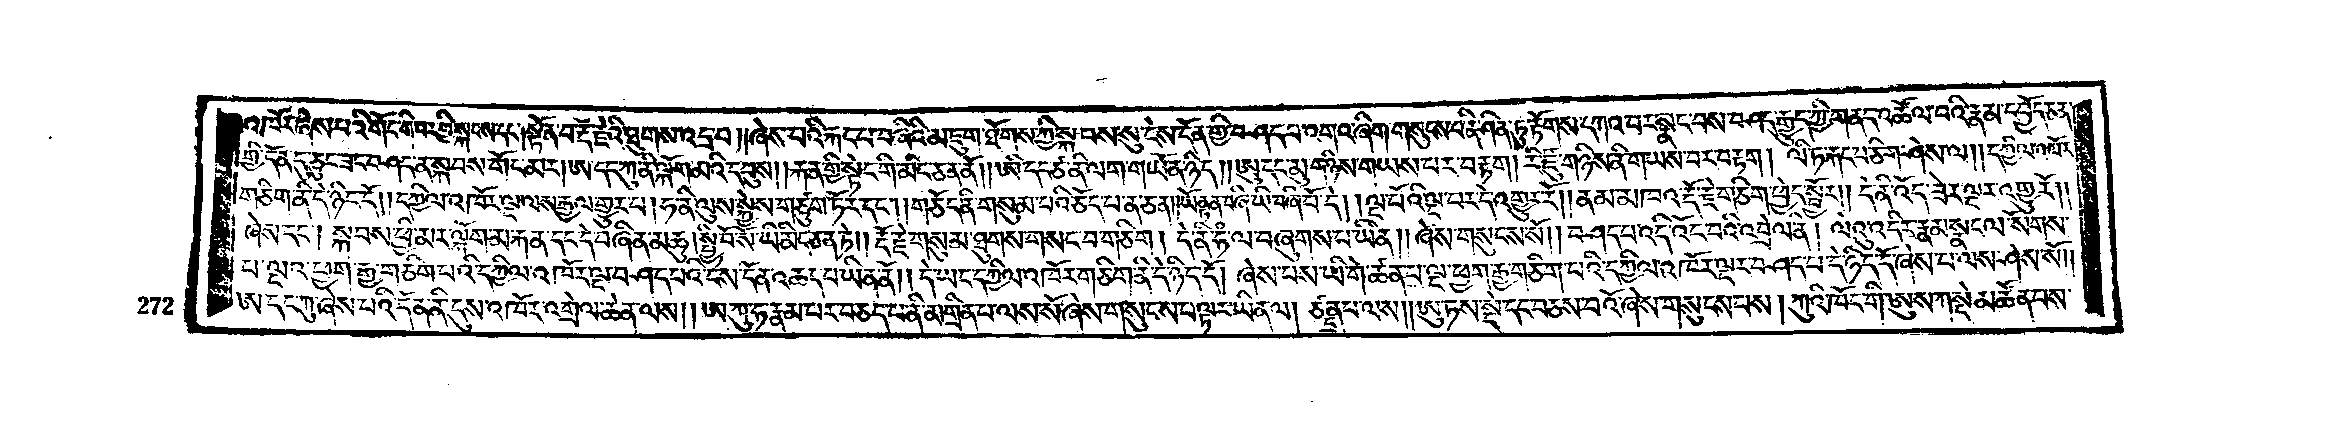འཁོར་ཞེས་པའི་གོང་གི་བར་གྱི་སྐབས་དང་། སྟོན་པ་རྡོ་རྗེའི་ཐུགས་འདྲ་བ། །ཞེས་པའི་རྐང་པ་བཞིའི་མཇུག་ཐོགས་ཀྱི་སྐབས་སུ་ངེས་དོན་གྱི་བཤད་པ་འགའ་ཞིག་གསུངས་པ་ནི་ཤིན་ཏུ་རྟོགས་དཀའ་བར་སྣང་བས་བཤད་རྒྱུད་ཀྱི་གནད་འཚོལ་བའི་རྣམ་དཔྱོད་ཅན་
གྱི་དོན་དུ་ཅུང་ཟད་བཤད་ན་སྐབས་གོང་མར། ཨ་དང་ཀུ་ནི་ལྐོག་མའི་དབུས། །རྐན་གྱི་སྟེང་གི་མིང་ཅན་ནོ། །ཨི་དང་ཙ་ནི་ལག་གཡོན་ཉིད། །ཨུ་དང་མུ་གཉིས་གཡས་པར་བརྟག །རི་ཛུ་གཉིས་ནི་གཡས་བར་བརྟག །ལི་ཏ་རྐང་པ་ཅིག་ཤེས་ལ། །དཀྱིལ་འཁོར་
གཅིག་ནི་དེ་ཉིད་དོ། །དཀྱིལ་འཁོར་ལྔ་ལས་རྒྱལ་གྱུར་པ། ཧ་ནི་ལུས་སྐྱེས་གཙུག་ཏོར་དང་། །གཅོད་ནི་གསུམ་པའི་ཅོད་པན་ཅན། །ཡོན་ཏན་བཞི་ཡི་བཞི་པོ་དེ། །ལྔ་པོའི་ལྔ་པར་དེ་འགྱུར་རོ། །ནམ་མཁའ་རྡོ་རྗེ་གཅིག་ཕྱེད་སྦྱོར། །དེ་ནི་འོད་ཟེར་ལྔར་འགྱུར་རོ། །
ཞེས་དང་། སྐབས་ཕྱེ་མར་ལྐོག་མ་རྐན་དང་དེ་བཞིན་མཆུ། སྤྱི་བོ་སོ་ཡི་མིང་ཅན་ཏེ། །རྡོ་རྗེ་གསུམ་ཐུགས་གསང་བ་གཅིག །དེ་ནི་ཧཾ་ལ་བཞུགས་པ་ཡིན། །ཞེས་གསུངས་སོ། །བཤད་པ་འདི་འོང་བའི་འབྲེལ་ནི། ལེའུ་འདིར་རྣམ་སྣང་ལ་སོགས་
པ་ལྔའི་ཕྱག་རྒྱ་གཅིག་པའི་དཀྱིལ་འཁོར་ལྔ་བཤད་པའི་ངེས་དོན་འཆད་པ་ཡིན་ནོ། །དེ་ཡང་དཀྱིལ་འཁོར་གཅིག་ནི་དེ་ཉིད་དོ། ཞེས་པས་ཡི་གེ་ཚན་པ་ལྔ་ཕྱག་རྒྱ་གཅིག་པའི་དཀྱིལ་འཁོར་ལྔར་བཤད་པ་དེ་ཉིད་དོ་ཞེས་པ་ལས་ཤེས་སོ། །
ཨ་དང་ཀུ་ཞེས་པའི་དོན་ནི་དུས་འཁོར་འགྲེལ་ཆེན་ལས། །ཨ་ཀུ་ཧ་རྣམ་པར་བཅད་པ་ནི་མགྲིན་པ་ལས་སོ་ཞེས་གསུངས་ལྟར་ཡིན་ལ། ཙནྡྲ་པ་ལས། །ཨུ་ཏས་སྡེ་དང་བཅས་པའོ་ཞེས་གསུངས་པས། ཀུའི་ཁོང་གི་ཨུས་ཀ་སྡེ་མཚོན་པས་